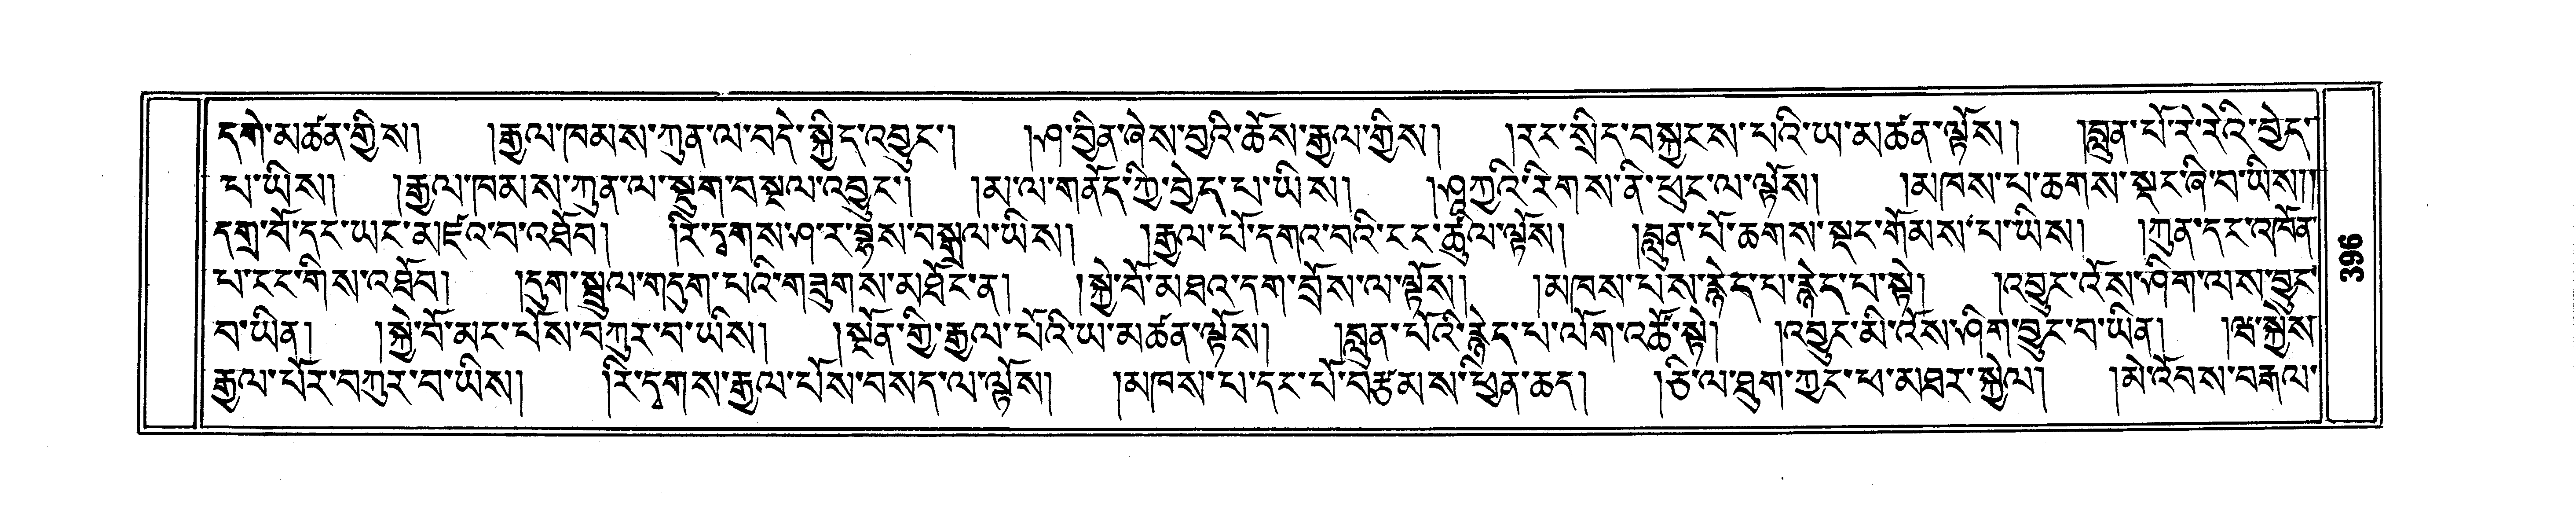དགེ་མཚན་གྱིས། །རྒྱལ་ཁམས་ཀུན་ལ་བདེ་སྐྱིད་འབྱུང་། །ཤ་བྱིན་ཞེས་བྱའི་ཆོས་རྒྱལ་གྱིས། །རང་སྲིད་བསྐྱངས་པའི་ཡ་མཚན་ལྟོས། །བླུན་པོ་རེ་རེའི་བྱེད་
པ་ཡིས། །རྒྱལ་ཁམས་ཀུན་ལ་སྡུག་བསྔལ་འབྱུང་། །མ་ལ་གནོད་ཀྱི་བྱེད་པ་ཡིས། །ཤཱཀྱའི་རིགས་ནི་ཕུང་ལ་ལྟོས། །མཁས་པ་ཆགས་སྡང་ཞི་བ་ཡིས།།
དགྲ་བོ་དང་ཡང་མཛའ་བ་འཐོབ། །རི་དྭགས་ཤ་ར་བྷས་བསྒྲལ་ཡིས། །རྒྱལ་པོ་དགའ་བའི་ངང་ཚུལ་ལྟོས། །བླུན་པོ་ཆགས་སྡང་གོམས་པ་ཡིས། །ཀུན་དང་འཁོན་
པ་ངང་གིས་འཐོབ། །དུག་སྦྲུལ་གདུག་པའི་གཟུགས་མཐོང་ན། །སྐྱེ་བོ་མཐའ་དག་བྲོས་ལ་ལྟོས། །མཁས་པས་རྙེད་པ་རྙེད་པ་སྟེ། །འབྱུང་འོས་ཤིག་ལས་བྱུང་
བ་ཡིན། །སྐྱེ་བོ་མང་པོས་བཀུར་བ་ཡིས། །སྔོན་གྱི་རྒྱལ་པོའི་ཡ་མཚན་ལྟོས། །བླུན་པོའི་རྙེད་པ་ལོག་འཚོ་སྟེ། །འབྱུང་མི་འོས་ཤིག་བྱུང་བ་ཡིན། །ཝ་སྐྱེས་
རྒྱལ་པོར་བཀུར་བ་ཡིས། །རི་དྭགས་རྒྱལ་པོས་བསད་ལ་ལྟོས། །མཁས་པ་དང་པོ་བརྩམས་ཕྱིན་ཆད། །ཅི་ལ་ཐུག་ཀྱང་ཕ་མཐར་སྐྱེལ། །མེ་འོབས་བརྒལ་